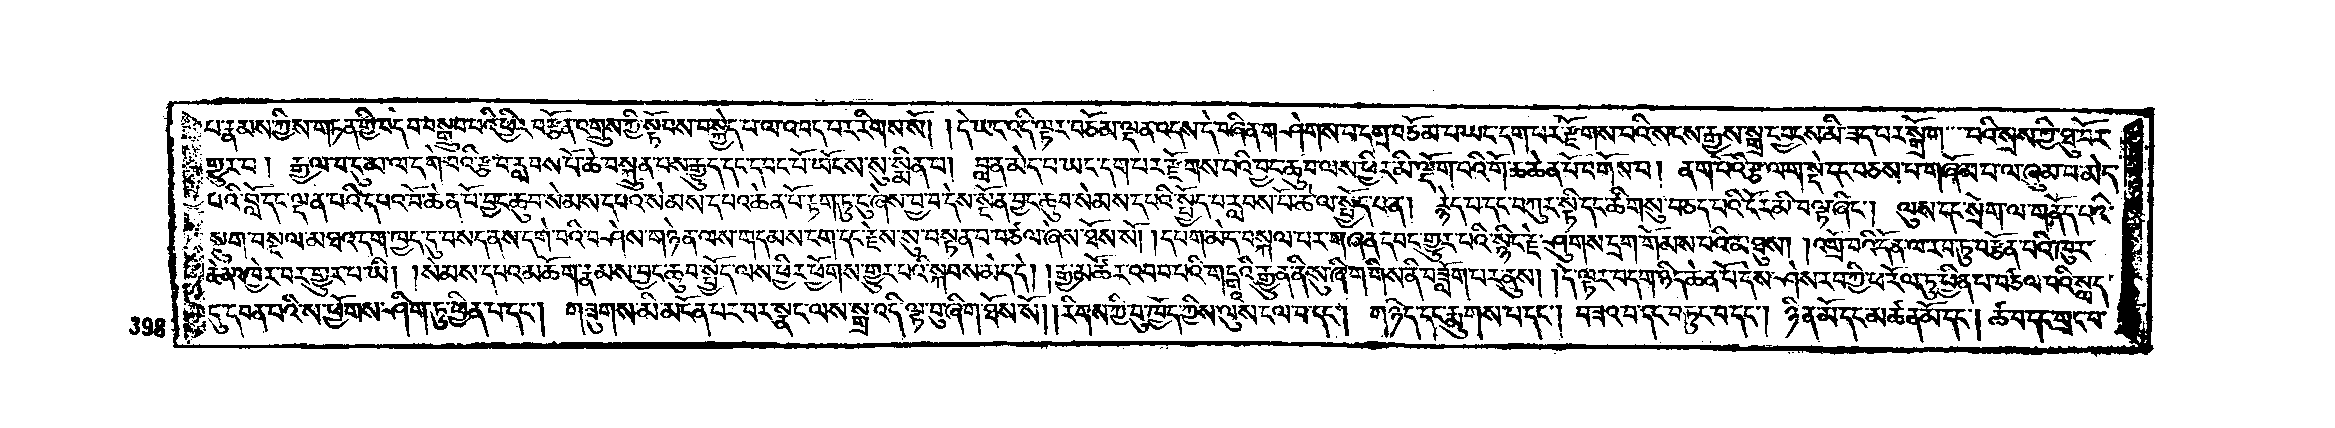པ་རྣམས་ཀྱིས་གཏན་གྱི་བདེ་བ་བསྒྲུབ་པའི་ཕྱིར་བརྩོན་འགྲུས་ཀྱི་སྟོབས་བསྐྱེད་པ་ལ་འབད་པར་རིགས་སོ། །དེ་ཡང་འདི་ལྟར་བཅོམ་ལྡན་འདས་དེ་བཞིན་གཤེགས་པ་དགྲ་བཅོམ་པ་ཡང་དག་པར་རྫོགས་པའི་སངས་རྒྱས་སྒྲ་དབྱངས་མི་ཟད་པར་སྒྲོག་པའི་སྲས་ཀྱི་ཐུ་བོར་
གྱུར་པ། རྒྱལ་བ་དུ་མ་ལ་དགེ་བའི་རྩ་བ་རླབས་པོ་ཆེ་བསྐྲུན་པས་རྒྱུད་དང་དབང་པོ་ཡོངས་སུ་སྨིན་པ། བླ་ན་མེད་པ་ཡང་དག་པར་རྫོགས་པའི་བྱང་ཆུབ་ལས་ཕྱིར་མི་ལྡོག་པའི་གོ་ཆ་ཆེན་པོ་བགོས་པ། ནག་པོའི་རྩ་ལག་སྡེ་དང་བཅས་པ་གཞོམ་པ་ལ་ཞུམ་པ་མེད་
པའི་བློ་དང་ལྡན་པའི་དཔའ་བོ་ཆེན་པོ་བྱང་ཆུབ་སེམས་དཔའ་སེམས་དཔའ་ཆེན་པོ་རྟག་ཏུ་ངུ་ཞེས་བྱ་བ་དེས་སྔོན་བྱང་ཆུབ་སེམས་དཔའི་སྤྱོད་པ་རླབས་པོ་ཆེ་ལ་སྤྱོད་པ་ན། རྙེད་པ་དང་བཀུར་སྟི་དང་ཚིགས་སུ་བཅད་པའི་ངོར་མི་བལྟ་ཞིང་། ལུས་དང་སྲེག་ལ་གནོད་པའི་
སྡུག་བསྔལ་མཐའ་དག་ཁྱད་དུ་བསད་ནས་དགེ་བའི་བཤེས་གཉེན་ལས་གདམས་ངག་དང་རྗེས་སུ་བསྟན་པ་བཙལ་ཞེས་ཐོས་སོ། །དཔག་མེད་བསྐལ་པར་གཞན་དབང་གྱུར་པའི་སྙིང་རྗེ་ཤུགས་དྲག་གོམས་པའི་མཐུས། །འགྲོ་བའི་དོན་ལ་རབ་ཏུ་བརྩོན་པའི་ཁུར་
ཆེན་འཁྱེར་བར་གྱུར་པ་ཡི། །སེམས་དཔའ་མཆོག་རྣམས་བྱང་ཆུབ་སྤྱོད་ལས་ཕྱིར་ཕྱོགས་གྱུར་པའི་སྐབས་མེད་དེ། །རྒྱ་མཚོར་འབབ་པའི་གངྒའི་རྒྱུན་ནི་སུ་ཞིག་གིས་ནི་བཟློག་པར་ནུས། །དེ་ལྟར་བདག་ཉིད་ཆེན་པོ་དེས་ཤེས་རབ་ཀྱི་ཕ་རོལ་ཏུ་ཕྱིན་པ་བཙལ་བའི་སླད་
དུ་དབེན་པའི་ས་ཕྱོགས་ཤིག་ཏུ་ཕྱིན་པ་དང་། གཟུགས་མི་མངོན་པར་བར་སྣང་ལས་སྒྲ་འདི་ལྟ་བུ་ཞིག་ཐོས་སོ། །རིགས་ཀྱི་བུ་ཁྱོད་ཀྱིས་ལུས་ངལ་བ་དང་། གཉིད་དང་རྨུགས་པ་དང་། བཟའ་བ་དང་བཏུང་བ་དང་། ཉིན་མོ་དང་མཚན་མོ་དང་། ཚ་བ་དང་གྲང་བ་